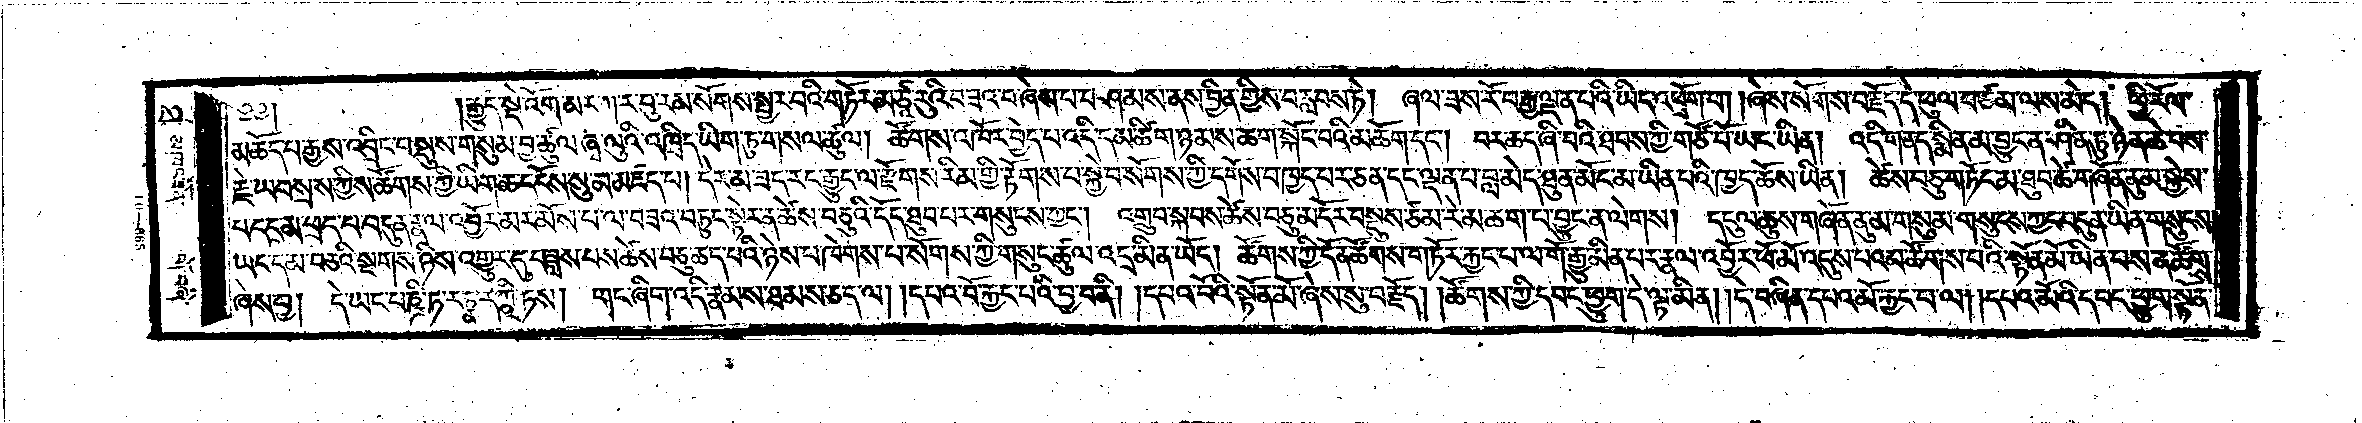༄༅། །རྒྱུད་སྡེ་འོག་མར་ཀ་ར་བུ་རམ་སོགས་སྦྱར་བའི་གཏོར་མ་ཙཱ་རུའི་བཟའ་བ་ཞེས་པ་བཤམས་ནས་བྱིན་གྱིས་བརླབས་ཏེ། ཞལ་ཟས་རོ་བརྒྱ་ལྡན་པའི་ཡིད་འཕྲོག་པ། །ཞེས་སོགས་བརྗོད་དེ་ཕུལ་བ་ཙམ་ལས་མེད། ཕྱི་རོལ་
མཆོད་པ་རྒྱས་འབྲིང་བསྡུས་གསུམ་བྱ་ཚུལ་ཞྭ་ལུའི་འཁྲིད་ཡིག་ཏུ་གསལ་ཚུལ། ཚོགས་འཁོར་བྱེད་པ་འདི་དམ་ཚིག་ཉམས་ཆག་སྐོང་བའི་མཆོག་དང་། བར་ཆད་ཞི་བའི་ཐབས་ཀྱི་གཙོ་བོ་ཡང་ཡིན། འདི་གནད་སྨིན་མ་བྱུང་ན་ཤིན་ཏུ་ཉེན་ཆེ་བས་
རྗེ་ཡབ་སྲས་ཀྱིས་ཚོགས་ཀྱི་ཡིག་ཆ་དངོས་སུ་མ་མཛད་པ། དེར་མ་ཟད་རང་རྒྱུད་ལ་རྫོགས་རིམ་གྱི་རྟོགས་པ་སྐྱེ་བ་སོགས་ཀྱི་དགོས་པ་ཁྱད་པར་ཅན་དང་ལྡན་པ་བླ་མེད་ཐུན་མོང་མ་ཡིན་པའི་ཁྱད་ཆོས་ཡིན། ཚེས་བཅུ་གཏོང་མ་ཐུབ་ཚེ་གཞོན་ནུ་མ་སྐྱེ་
པ་དང་མ་ཕྲང་པ་བདུན་རྣལ་འབྱོར་མར་མོས་པ་ལ་བཟའ་བཏུང་སྟེར་ན་ཚེས་བཅུའི་དོད་ཐུབ་པར་གསུངས་ཀྱང་། འགྲུབ་སྐབས་ཚེས་བཅུ་མདོར་བསྡུས་ཙམ་རེ་མ་ཆག་པ་བྱུང་ན་ལེགས། དངུལ་ཆུས་གཞོན་ནུ་མ་གསུམ་གསུངས་ཀྱང་བདུན་ཡིན་གསུངས།
ཡང་དམ་བཅའི་སྔགས་ཉིས་འགྱུར་དུ་བཟླས་པས་ཚེས་བཅུ་ཆད་པའི་ཉེས་པ་ཁེགས་པ་སོགས་ཀྱི་གསུང་ཚུལ་འདྲ་མིན་ཡོད། ཚོགས་ཀྱི་དོན་ཚོགས་གཏོར་རྐྱང་པ་ལ་གོ་རྒྱུ་མིན་པར་རྣལ་འབྱོར་ཕོ་མོ་འདུས་པའམ་ཚོགས་པའི་སྟོན་མོ་ཡིན་པས་ན་ཚོགས་
ཞེས་བྱ། དེ་ཡང་པཎྜི་ཏ་རཏྣ་རཀྴི་ཏས། གང་ཞིག་འདི་རྣམས་ཐམས་ཅད་ལ། །དཔའ་བོ་རྐྱང་པའི་བྱ་བ་ནི། །དཔའ་བོའི་སྟོན་མོ་ཞེས་སུ་བརྗོད། །ཚོགས་ཀྱི་དབང་ཕྱུག་དེ་ལྟ་མིན། །དེ་བཞིན་དཔའ་མོ་རྐྱང་པ་ལ། །དཔའ་མོའི་དབང་ཕྱུག་སྟོན་